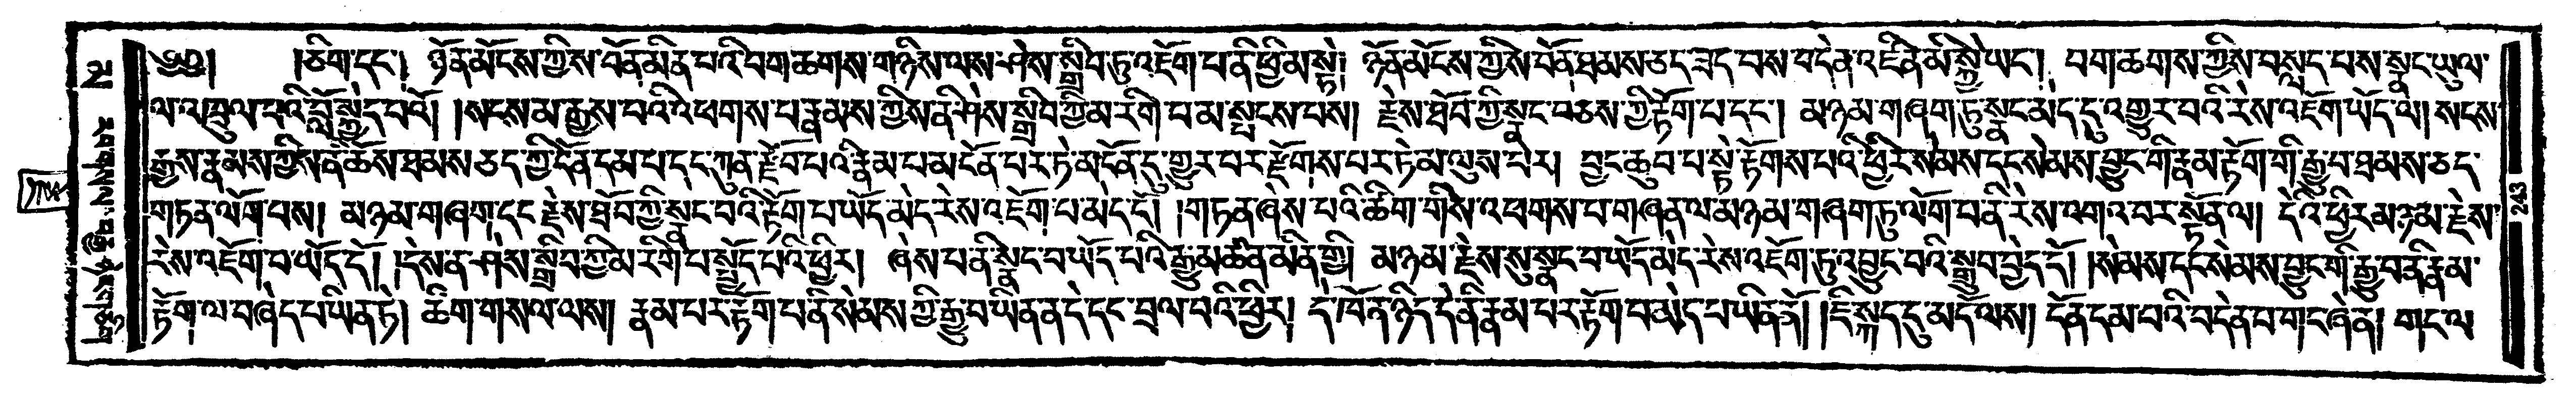༄༅། །ཅིག་དང་། ཉོན་མོངས་ཀྱི་ས་བོན་མིན་པའི་བག་ཆགས་གཉིས་ལས་ཤེས་སྒྲིབ་ཏུ་འཇོག་པ་ནི་ཕྱི་མ་སྟེ། ཉོན་མོངས་ཀྱི་ས་བོན་ཐམས་ཅད་ཟད་པས་བདེན་འཛིན་མི་སྐྱེ་ཡང་། བག་ཆགས་ཀྱིས་བསླད་པས་སྣང་ཡུལ་
ལ་འཁྲུལ་པའི་བློ་སྐྱེད་པའོ། །སངས་མ་རྒྱས་པའི་འཕགས་པ་རྣམས་ཀྱིས་ནི་ཤེས་སྒྲིབ་ཀྱི་མ་རིག་པ་མ་སྤངས་པས། རྗེས་ཐོབ་ཀྱི་སྣང་བཅས་ཀྱི་རྟོག་པ་དང་། མཉམ་གཞག་ཏུ་སྣང་མེད་དུ་འགྱུར་བའི་རེས་འཇོག་ཡོད་ལ། སངས་
རྒྱས་རྣམས་ཀྱིས་ནི་ཆོས་ཐམས་ཅད་ཀྱི་དོན་དམ་པ་དང་ཀུན་རྫོབ་པའི་རྣམ་པ་མངོན་པར་ཏེ་མངོན་དུ་གྱུར་པར་རྫོགས་པར་ཏེ་མ་ལུས་པར། བྱང་ཆུབ་པ་སྟེ་རྟོགས་པའི་ཕྱིར་སེམས་དང་སེམས་བྱུང་གི་རྣམ་རྟོག་གི་རྒྱུ་བ་ཐམས་ཅད་
གཏན་ལོག་པས། མཉམ་གཞག་དང་རྗེས་ཐོབ་ཀྱི་སྣང་བའི་རྟོག་པ་ཡོད་མེད་རེས་འཇོག་པ་མེད་དོ། །གཏན་ཞེས་པའི་ཚིག་གིས་འཕགས་པ་གཞན་ལ་མཉམ་གཞག་ཏུ་ལོག་པ་ནི་རེས་འགའ་བར་སྟོན་ལ། དེའི་ཕྱིར་མཉམ་རྗེས་
རེས་འཇོག་པ་ཡོད་དོ། །དེས་ན་ཤེས་སྒྲིབ་ཀྱི་མ་རིག་པ་སྤྱོད་པའི་ཕྱིར། ཞེས་པ་ནི་སྣང་བ་ཡོད་པའི་རྒྱུ་མཚན་མིན་གྱི། མཉམ་རྗེས་སུ་སྣང་བ་ཡོད་མེད་རེས་འཇོག་ཏུ་འབྱུང་བའི་སྒྲུབ་བྱེད་དོ། །སེམས་དང་སེམས་བྱུང་གི་རྒྱུ་བ་ནི་རྣམ་
རྟོག་ལ་བཞེད་པ་ཡིན་ཏེ། ཚིག་གསལ་ལས། རྣམ་པར་རྟོག་པ་ནི་སེམས་ཀྱི་རྒྱུ་བ་ཡིན་ན་དེ་དང་བྲལ་བའི་ཕྱིར། དེ་ཁོ་ན་ཉིད་དེ་ནི་རྣམ་པར་རྟོག་པ་མེད་པ་ཡིན་ནོ། །ཇི་སྐད་དུ་མདོ་ལས། དོན་དམ་པའི་བདེན་པ་གང་ཞེ་ན། གང་ལ་